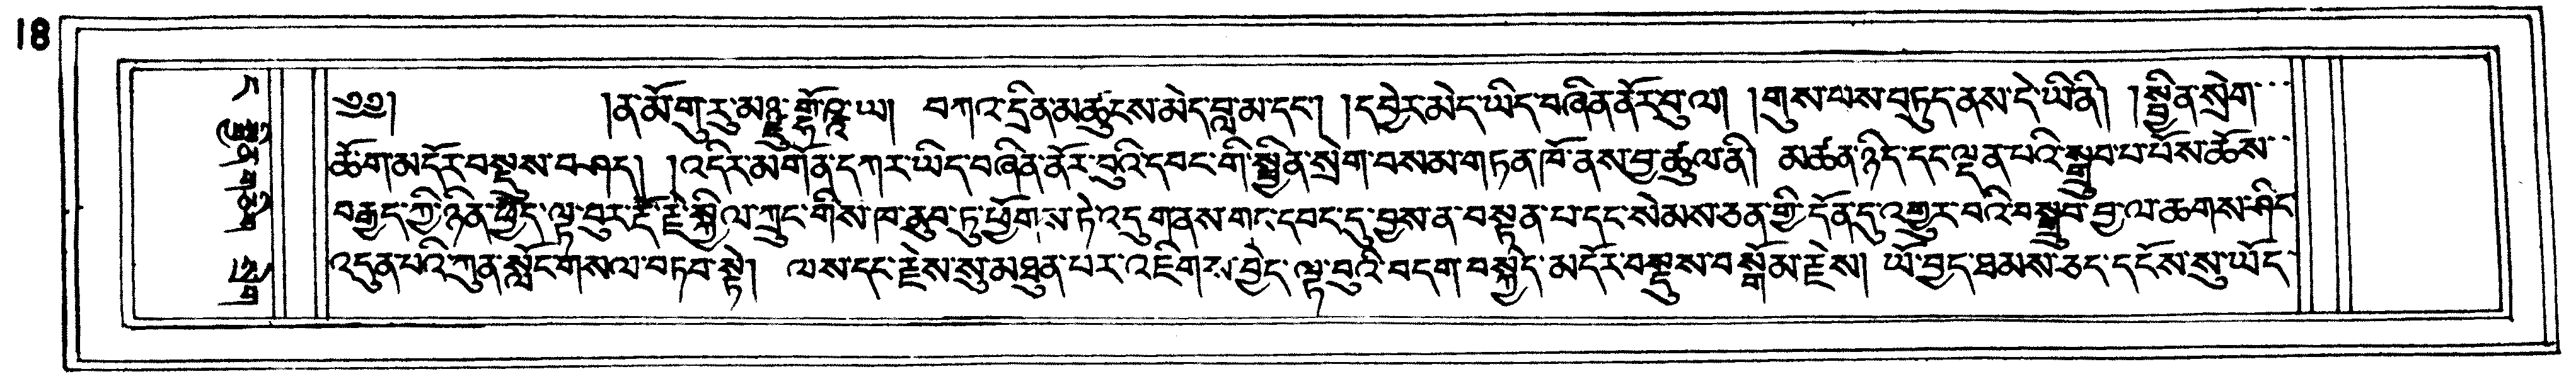༄༅། །ན་མོ་གུ་རུ་མཉྫུ་གྷོ་ཥཱ་ཡ། བཀའ་དྲིན་མཚུངས་མེད་བླ་མ་དང་། །དབྱེར་མེད་ཡིད་བཞིན་ནོར་བུ་ལ། །གུས་པས་བཏུད་ནས་དེ་ཡི་ནི། །སྦྱིན་སྲེག་
ཆོ་ག་མདོར་བསྡུས་བཤད། །འདིར་མགོན་དཀར་ཡིད་བཞིན་ནོར་བུའི་དབང་གི་སྦྱིན་སྲེག་བསམ་གཏན་ཁོ་ནས་བྱ་ཚུལ་ནི། མཚན་ཉིད་དང་ལྡན་པའི་སྒྲུབ་པ་པོས་ཆོས་
བརྒྱད་ཀྱི་ཉིན་ཕྱེད་ལྟ་བུར་རྡོ་རྗེ་སྐྱིལ་ཀྲུང་གིས་ཁ་ནུབ་ཏུ་ཕྱོགས་ཏེ་འདུག་གནས་གང་དབང་དུ་བྱས་ན་བསྟན་པ་དང་སེམས་ཅན་གྱི་དོན་དུ་འགྱུར་བའི་བསྒྲུབ་བྱ་ལ་ཆགས་ཤིང་
འདུན་པའི་ཀུན་སློང་གསལ་བཏབ་སྟེ། ལས་དང་རྗེས་སུ་མཐུན་པར་འཇིགས་བྱེད་ལྟ་བུའི་བདག་བསྐྱེད་མདོར་བསྡུས་བསྒོམ་རྗེས། ཡོ་བྱད་ཐམས་ཅད་དངོས་སུ་ཡོད་